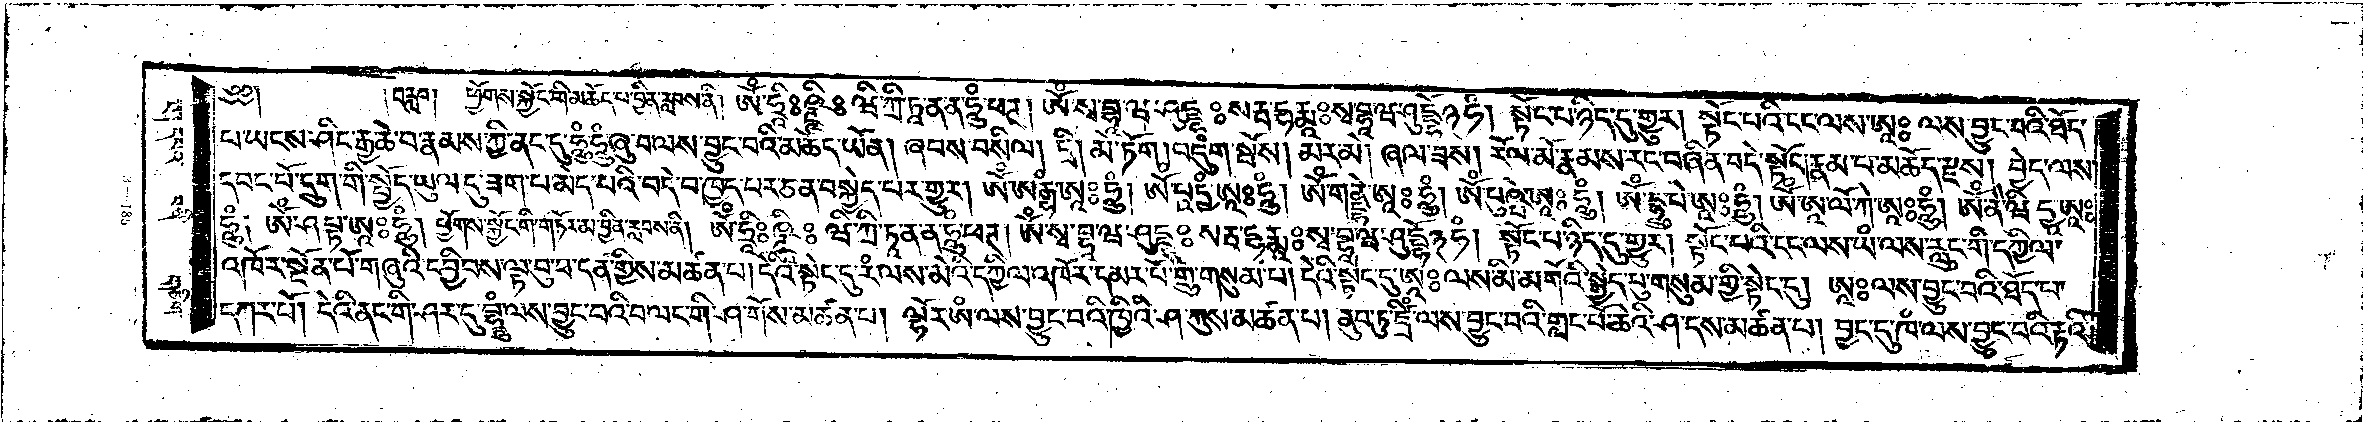༄༅། །བརླབ། ཕྱོགས་སྐྱོང་གི་མཆོད་པ་བྱིན་རླབས་ནི། ཨོཾ་ཧྲཱིཿ ཥྚྲཱིཿ ཝི་ཀྲི་ཏཱ་ན་ན་ཧཱུཾ་ཕཊ། ཨོཾ་སྭ་བྷཱ་ཝ་ཤུདྡྷཿ སརྦ་དྷརྨཱཿ སྭ་བྷཱ་ཝ་ཤུདྡྷོཉཧཾ། སྟོང་པ་ཉིད་དུ་གྱུར། སྟོང་པའི་ངང་ལས་ཨཱཿ ལས་བྱུང་བའི་ཐོད་
པ་ཡངས་ཤིང་རྒྱ་ཆེ་བ་རྣམས་ཀྱི་ནང་དུ་ཧཱུཾ་ཧཱུཾ་ཞུ་བ་ལས་བྱུང་བའི་མཆེད་ཡོན། ཞབས་བསིལ། དྲི་མེ་ཏོག། བདུག་སྦོས། །མར་མེ། ཞལ་ཟས། རོལ་མོ་རྣམས་རང་བཞིན་བདེ་སྟོང་། རྣམ་པ་མཆོད་རྫས། བྱེད་ལས་
དབང་པོ་དྲུག་གི་སྤྱོད་ཡུལ་དུ་ཟག་པ་མེད་པའི་བདེ་བ་ཁྱད་པར་ཅན་བསྐྱེད་པར་གྱུར། ཨོཾ་ཨརྒྷཾ་ཨཱཿ ཧཱུཾ། ཨོཾ་པཱདྱཾ་ཨཱཿ ཧཱུཾ། ཨོཾ་གནྡྷེ་ཨཱཿ ཧཱུཾ། ཨོཾ་པུཥྤེ་ཨཱཿ ཧཱུཾ། ཨོཾ་དྷྲཱུ་པེ་ཨཱཿ ཧཱུཾ། ཨོཾ་ཨཱཿ ལོ་ཀེ་ཨཱཿ ཧཱུཾ། ཨོཾ་ནཻ་ལྡི་དྱཱ་ཨཱཿ ཧཱུཾ། ཨོཾ་ཤཔྟ་ཨཱཿ ཧཱུཾ། ཕྱོགས་སྐྱོང་གི་གཏོར་མ་བྱིན་རླབས་ནི། ཨོཾ་ཧྲཱིཿ ཝི་ཀྲི་ཏཱ་ན་ན་ཧཱུཾ་ཕཊ། ཨོཾ་སྭ་བྷཱ་ཝ་ཤུཌྜྷཱཿ སརྦ་དྷརྨཱཿ སྭ་བྷཱ་ཝ་ཤུདྡྷོཉྷཾ། སྟོང་པ་ཉིད་དུ་གྱུར། སྟོང་པའི་ངང་ལས་ཡཾ་ལས་རླུང་གི་དཀྱིལ་
འཁོར་སྔོན་པོ་གཞུའི་དབྱིབས་ལྟ་བུ་བ་དན་གྱིས་མཚན་པ། དེའི་སྟེང་དུ་རཾ་ལས་མེའི་དཀྱིལ་འཁོར་དམར་པོ་གྲུ་གསུམ་པ། དེའི་སྟེང་དུ་ཨཱཿ ལས་མི་མགོའི་སྒྱེད་པ་གསུམ་གྱི་སྟེང་དུ། ཨཱཿ ལས་བྱུང་བའི་ཐོད་པ་
དཀར་པོ། དེའི་ནང་གི་ཤར་དུ་བྷྲཱུཾ་ལས་བྱུང་བའི་བ་ལང་གི་ཤ་གོས་མཚན་པ། ལྷོར་ཨཾ་ལས་བྱུང་བའི་ཁྱིའི་ཤ་ཀུས་མཚན་པ། ནུབ་ཏུ་ཛྲིཾ་ལས་བྱུང་བའི་གླང་པོ་ཆེའི་ཤ་དས་མཚན་པ། བྱང་དུ་ཁཾ་ལས་བྱུང་བའི་ཙའི་